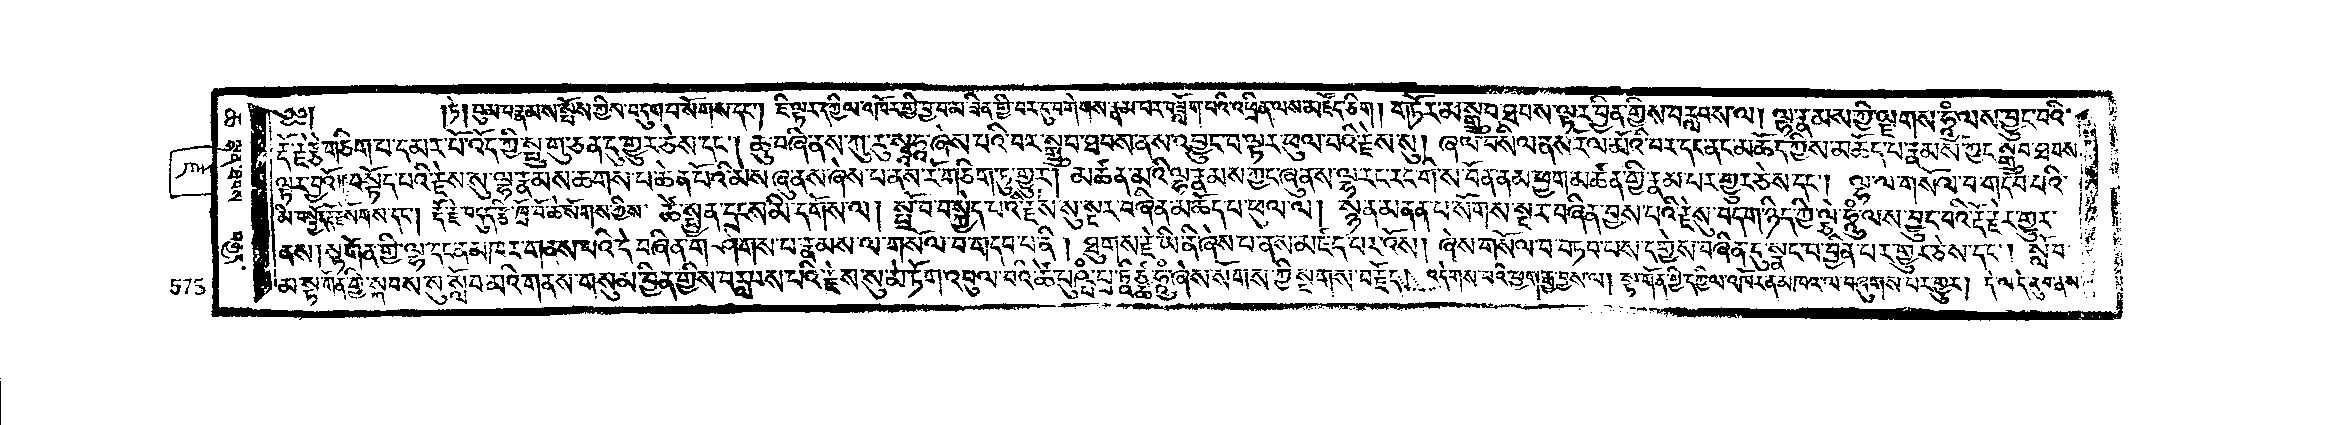༄༅། །ཏེ། བུམ་པ་རྣམས་སྤོས་ཀྱིས་བདུག་པ་སོགས་དང་། ཇི་ལྟར་དཀྱིལ་འཁོར་གྱི་བྱ་བ་མ་ཟིན་གྱི་བར་དུ་བགེགས་རྣམ་པར་བཟློག་པའི་འཕྲིན་ལས་མཛོད་ཅིག་།གཏོར་མ་སྒྲུབ་ཐབས་ལྟར་བྱིན་གྱིས་བརླབས་ལ། ལྷ་རྣམས་ཀྱི་ལྗགས་ཧཱུཾ་ལས་བྱུང་བའི་
རྡོ་རྗེ་རྩེ་གཅིག་པ་དམར་པོ་འོད་ཀྱི་སྦུ་གུ་ཅན་དུ་གྱུར་ཅེས་དང་། ཆུ་བཞི་ནས་ཀུ་རུ་སྭཱ་ཧཱ་ཞེས་པའི་བར་སྒྲུབ་ཐབས་ནས་འབྱུང་བ་ལྟར་ཕུལ་བའི་རྗེས་སུ། ཞལ་བསིལ་ནས་རོལ་མོའི་བར་དང་ནང་མཆོད་ཀྱིས་མཆོད་པ་རྣམས་ཀྱང་སྒྲུབ་ཐབས་
ལྟར་བྱའོ། །བསྟོད་པའི་རྗེས་སུ་ལྷ་རྣམས་ཆགས་པ་ཆེན་པོའི་མེས་ཞུ་ནས་ཞེས་པ་ནས་རོ་གཅིག་ཏུ་གྱུར། མཚན་མའི་ལྷ་རྣམས་ཀྱང་ཞུ་ནས་ལྷ་རང་རང་གི་ས་བོན་ནམ་ཕྱག་མཚན་གྱི་རྣམ་པར་གྱུར་ཅེས་དང་། ལྷ་ལ་གསོལ་བ་གདབ་པའི་
མི་བསྐྱེད་རྡོ་རྗེ་སོགས་དང་། རྡོ་རྗེ་བདུད་རྩི་ཁྲོ་བོ་ཆེ་སོགས་ཀྱིས་ཚེ་སྤྱན་དྲངས་མི་དགོས་ལ། སྤྲོ་བ་བསྐྱེད་པའི་རྗེས་སུ་སྔར་བཞིན་མཆོད་པ་ཕུལ་ལ། སྙན་མནན་པ་སོགས་སྔར་བཞིན་བྱས་པའི་རྗེས་སུ་བདག་ཉིད་ཀྱི་ལྕེ་ཧཱུཾ་ལས་བྱུང་བའི་རྡོ་རྗེར་གྱུར་
ནས། སྟ་གོན་གྱི་ལྷ་དང་ནམ་མཁར་གནས་པའི་དེ་བཞིན་གཤེགས་པ་རྣམས་ལ་གསོལ་བ་གདབ་པ་ནི། ཐུགས་རྗེ་ཡི་ནི་ཞེས་པ་ནས་མཛད་པར་འོས། ཞེས་གསོལ་བ་བཏབ་པས་དགྱེས་བཞིན་དུ་སྣང་བ་བྱིན་པར་གྱུར་ཅེས་དང་། སློབ་
མ་སྟ་གོན་གྱི་སྐབས་སུ་སློབ་མའི་གནས་གསུམ་བྱིན་གྱིས་བླབས་པའི་རྗེས་སུ་མེ་ཏོག་འབུལ་བའི་ཚེ་པུཥྤཾ་པྲ་ཏཱི་ཙྪ་ཧཱུཾ་ཞེས་སོགས་ཀྱི་སྔགས་བརྗོད། འདེགས་པའི་ཕྱག་རྒྱ་བྱས་ལ། སྟ་གོན་གྱི་དཀྱིལ་འཁོར་ནམ་མཁའ་ལ་བཞུགས་པར་གྱུར། དེ་ལ་དེ་ནུབ་ནས་